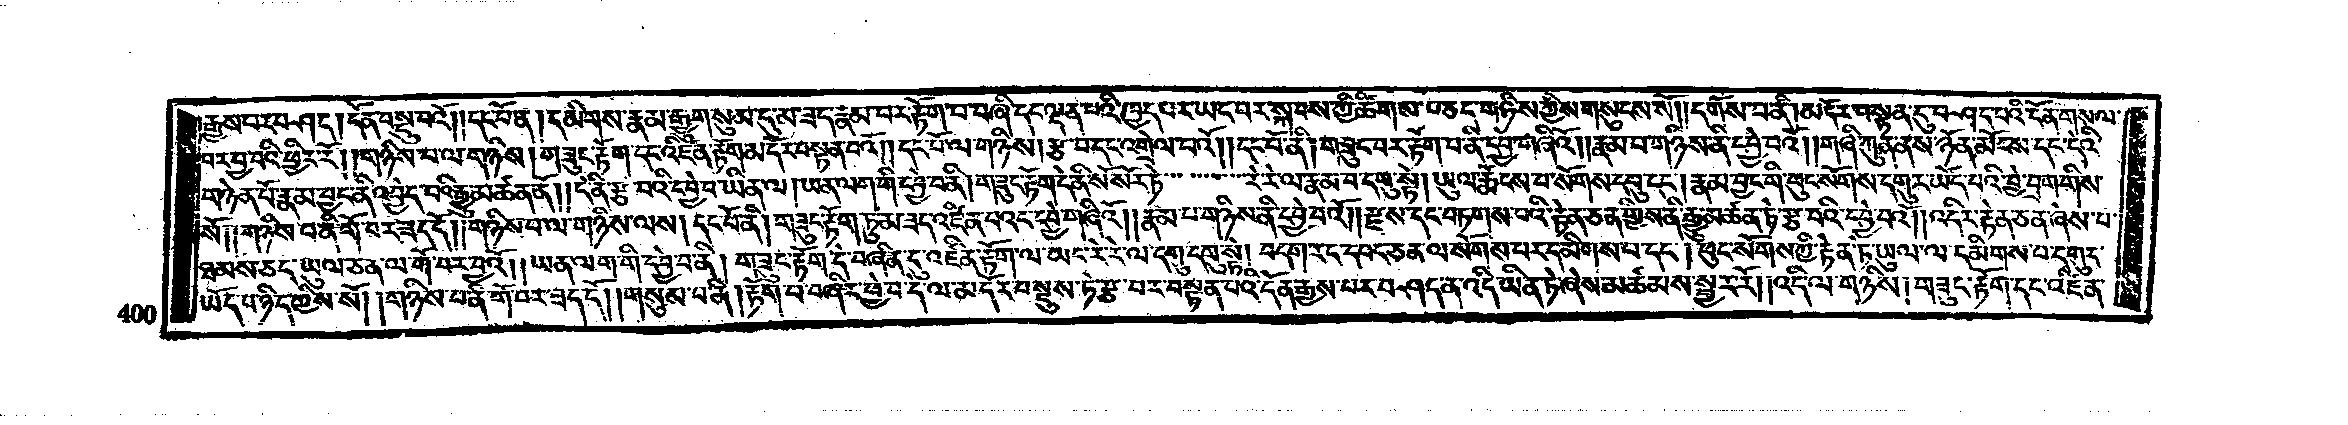རྒྱས་པར་བཤད། དོན་བསྡུ་བའོ། །དང་པོ་ནི། དམིགས་རྣམ་རྒྱུ་གསུམ་དུ་མ་ཟད་རྣམ་པར་རྟོག་པ་བཞི་དང་ལྡན་པའི་ཁྱད་པར་ཡང་བར་སྐབས་ཀྱི་ཚིགས་བཅད་གཉིས་ཀྱིས་གསུངས་སོ། །དགོས་པ་ནི། མདོར་བསྟན་དུ་བཤད་པའི་དོན་གསལ་
བར་བྱ་བའི་ཕྱིར་རོ། །གཉིས་པ་ལ་གཉིས། གཟུང་རྟོག་དང་འཛིན་རྟོག་མདོར་བསྟན་པའོ། །དང་པོ་ལ་གཉིས། རྩ་བ་དང་འགྲེལ་བའོ། །དང་པོ་ནི། གཟུང་བར་རྟོག་པ་ནི་དབྱེ་གཞིའོ། །རྣམ་པ་གཉིས་ནི་དབྱེ་བའོ། །གཞི་ཀུན་ནས་ཉོན་མོངས་དང་དེའི་
གཉེན་པོ་རྣམ་བྱང་ནི་འབྱེད་པའི་རྒྱུ་མཚན་ནོ། །དེ་ནི་རྩ་བའི་དབྱེ་བ་ཡིན་ལ། ཡན་ལག་གི་དབྱེ་བ་ནི། གཟུང་རྟོག་དེ་ནི་སོ་སོར་ཏེ་རེ་རེ་ལ་རྣམ་པ་དགུ་སྟེ། ཡུལ་རྨོངས་པ་སོགས་དགུ་དང་། རྣམ་བྱང་གི་ཕུང་སོགས་དགུར་ཡོད་པའི་བྱེ་བྲག་གིས་
སོ། །གཉིས་པ་ནི་གོ་བར་ཟད་དོ། །གཉིས་པ་ལ་གཉིས་ལས། དང་པོ་ནི། གཟུང་རྟོག་ཏུ་མ་ཟད་འཛིན་པའང་དབྱེ་གཞིའོ། །རྣམ་པ་གཉིས་ནི་དབྱེ་བའོ། །རྫས་དང་བཏགས་པའི་རྟེན་ཅན་གྱིས་ནི་རྒྱུ་མཚན་ཏེ་རྩ་བའི་དབྱེ་བའོ། །འདིར་རྟེན་ཅན་ཞེས་པ་
ཐམས་ཅད་ཡུལ་ཅན་ལ་གོ་བར་བྱའོ། །ཡན་ལག་གི་དབྱེ་བ་ནི། གཟུང་རྟོག་དེ་བཞིན་དུ་འཛིན་རྟོག་ལ་ཡང་རེ་རེ་ལ་དགུ་དགུ་སྟེ། བདག་རང་དབང་ཅན་ལ་སོགས་པར་དམིགས་པ་དང་། ཕུང་སོགས་ཀྱི་རྟེན་ཏེ་ཡུལ་ལ་དམིགས་པ་དགུར་
ཡོད་པ་ཉིད་ཀྱིས་སོ། །གཉིས་པ་ནི་གོ་བར་ཟད་དོ། །གསུམ་པ་ནི། རྟོག་པ་བཞིར་ཕྱེ་བ་དེ་ལ་མདོར་བསྡུས་ཏེ་རྩ་བར་བསྟན་པའི་དོན་རྒྱས་པར་བཤད་ན་འདི་ཡིན་ཏེ་ཞེས་མཚམས་སྦྱར་རོ། །འདི་ལ་གཉིས། གཟུང་རྟོག་དང་འཛིན་